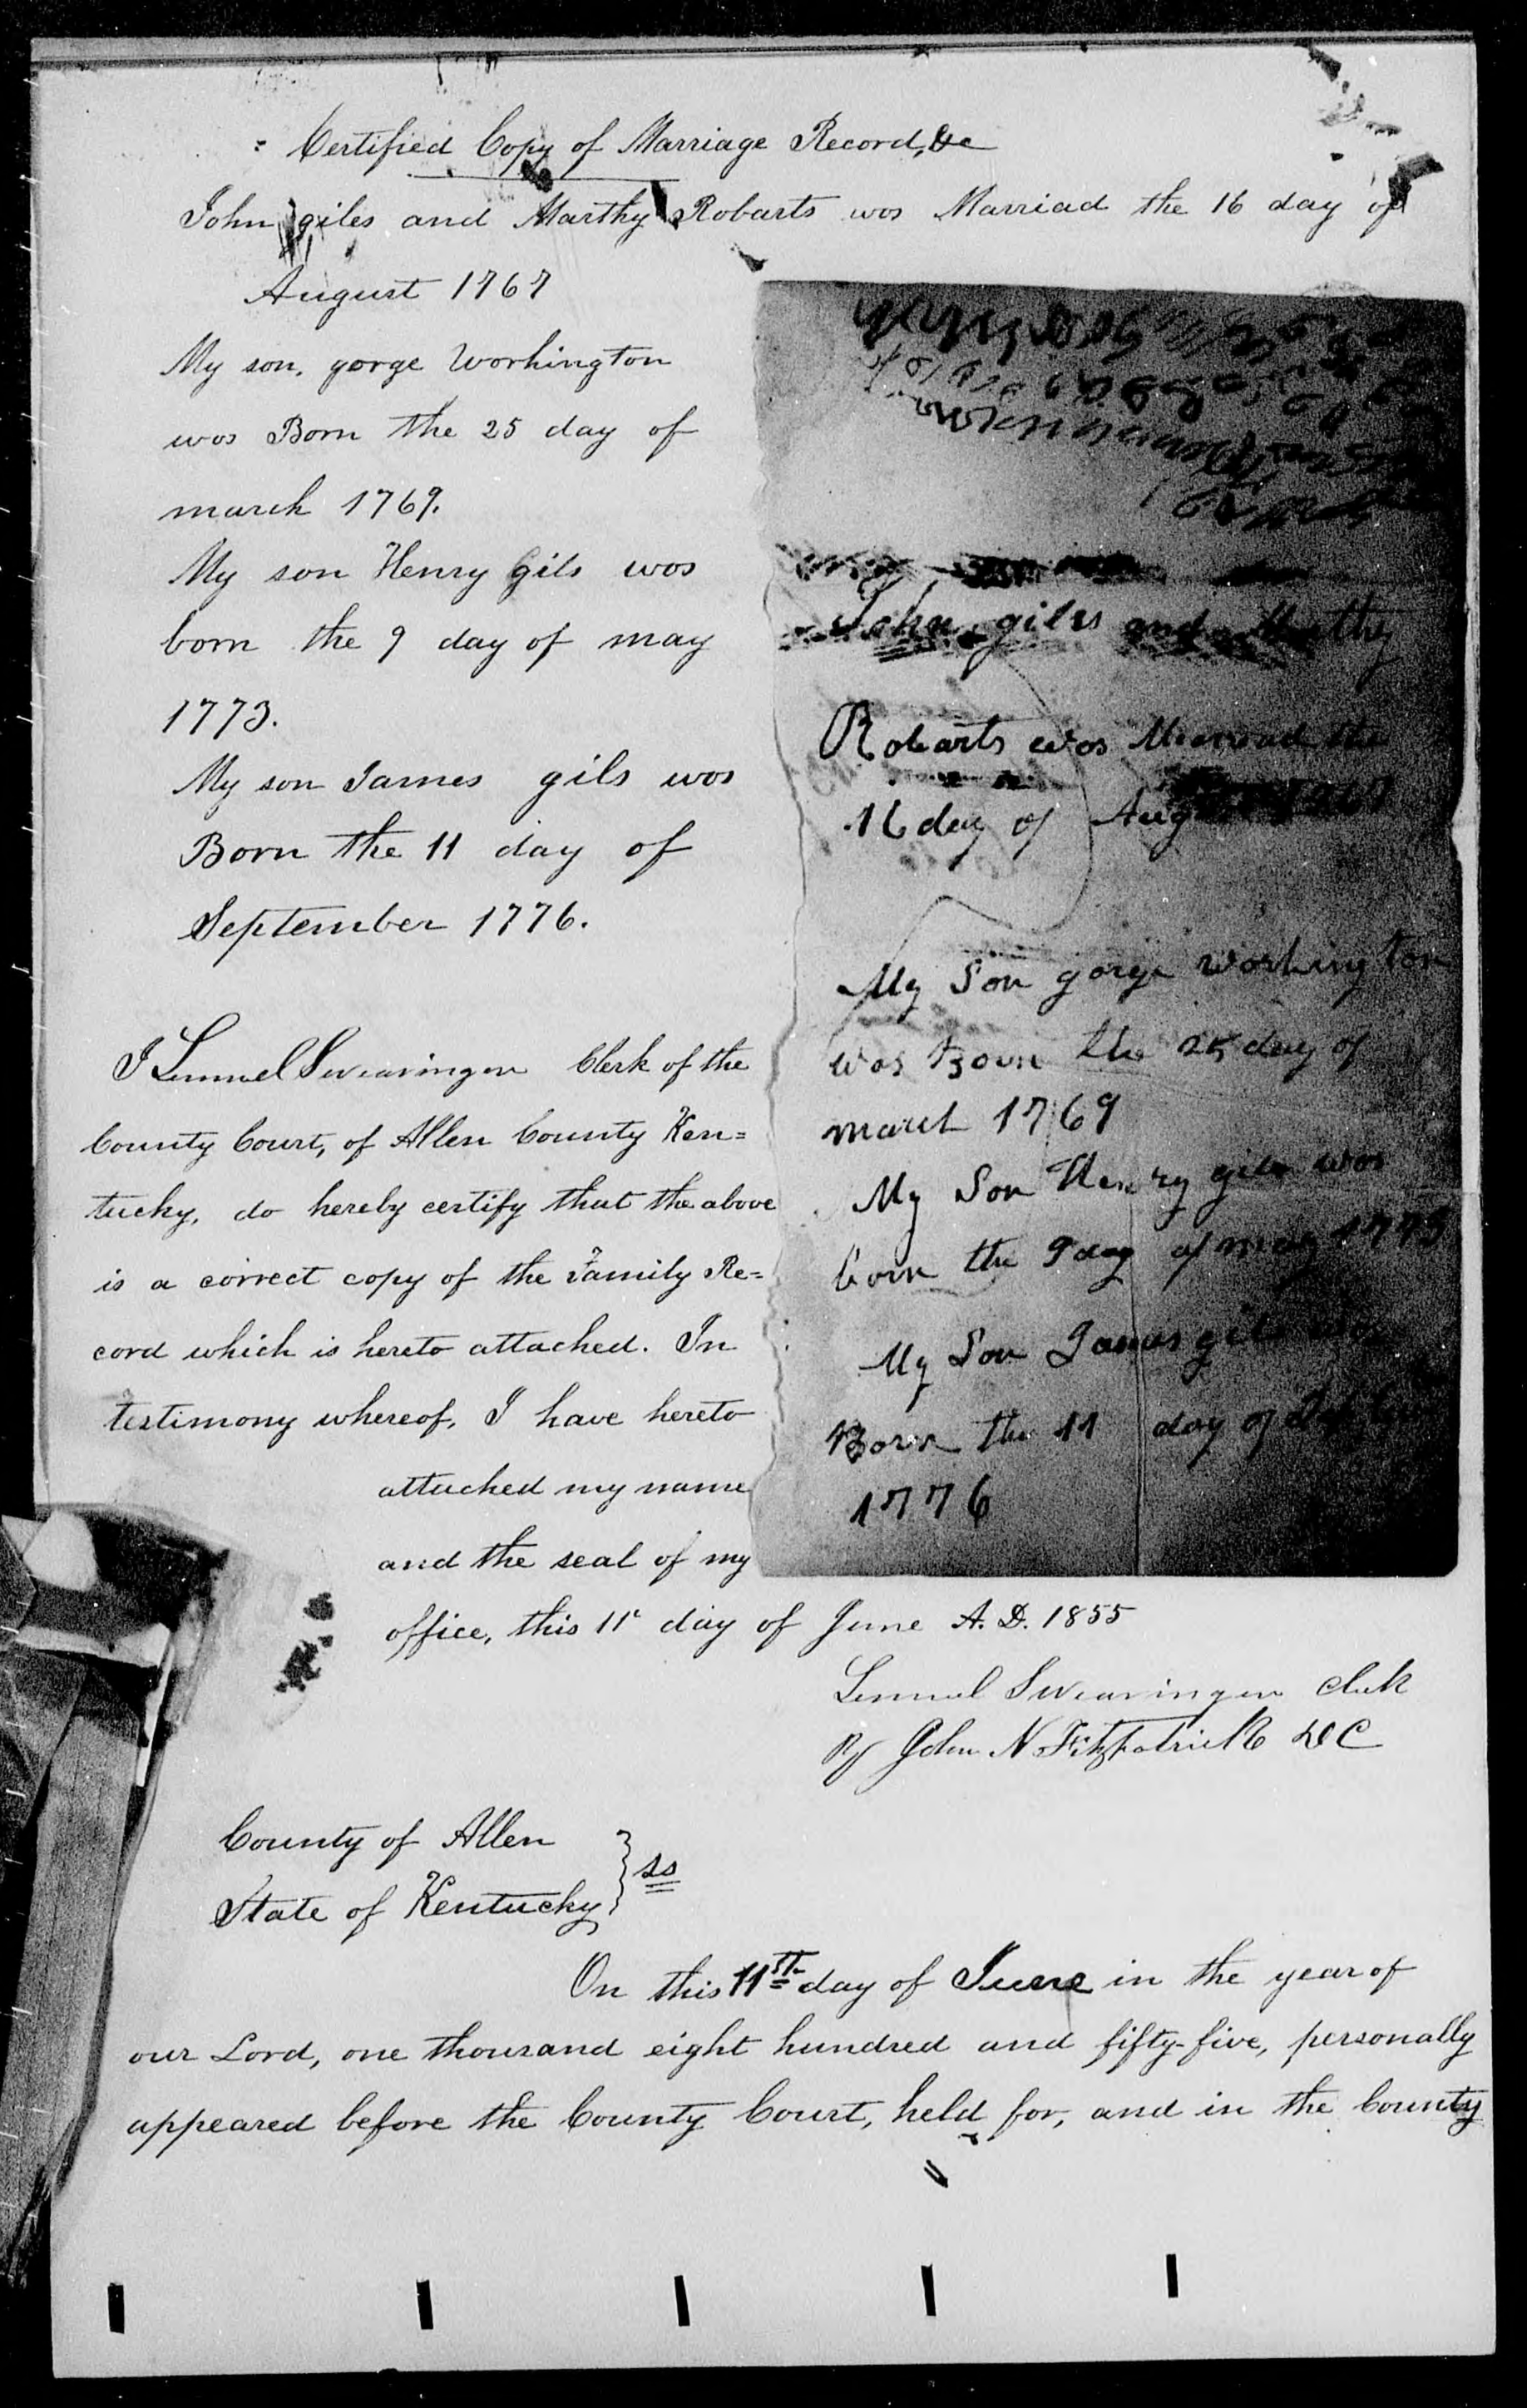Certified Copy of Marriage Record &c
John giles and Marthy Robarts was marriad the 16 day of August 1767
My son, gorge Worhington was born the 25 day of march 1769.
My son Henry giles was born the 9 day of may 1773
My son James giles was born the 11 day of September 1776. 
I Lemuel Swearingen Clerk of the County Court of Allen County Kentucky, do hereby certify that the above is a correct copy of the family record which is hereto attached. In testimony whereof, I have hereto attached my name and the seal of my office, this 11 day of June A.D. 1855
Lemuel Swearingen clerk
By John N. Fitzpatrick DC

County of Allen }
State of Kentucky } Ss
On this 11th day of June in the year of our Lord, one thousand eight hundred and fifty five, personally appeared before the County Court held for and in the County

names: James Gils, Marthy Robarts, John N Fitzpatrick, Henry Gils, John Giles, James Gils, Gorge Worhington, Gorge Worhington, John Giles, Lemuel Swearingen, Marthy Robarts, Lemuel Swearingen, Henry Gils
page: 25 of 82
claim: widow's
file: W. 7,522, John Giles, N.C.